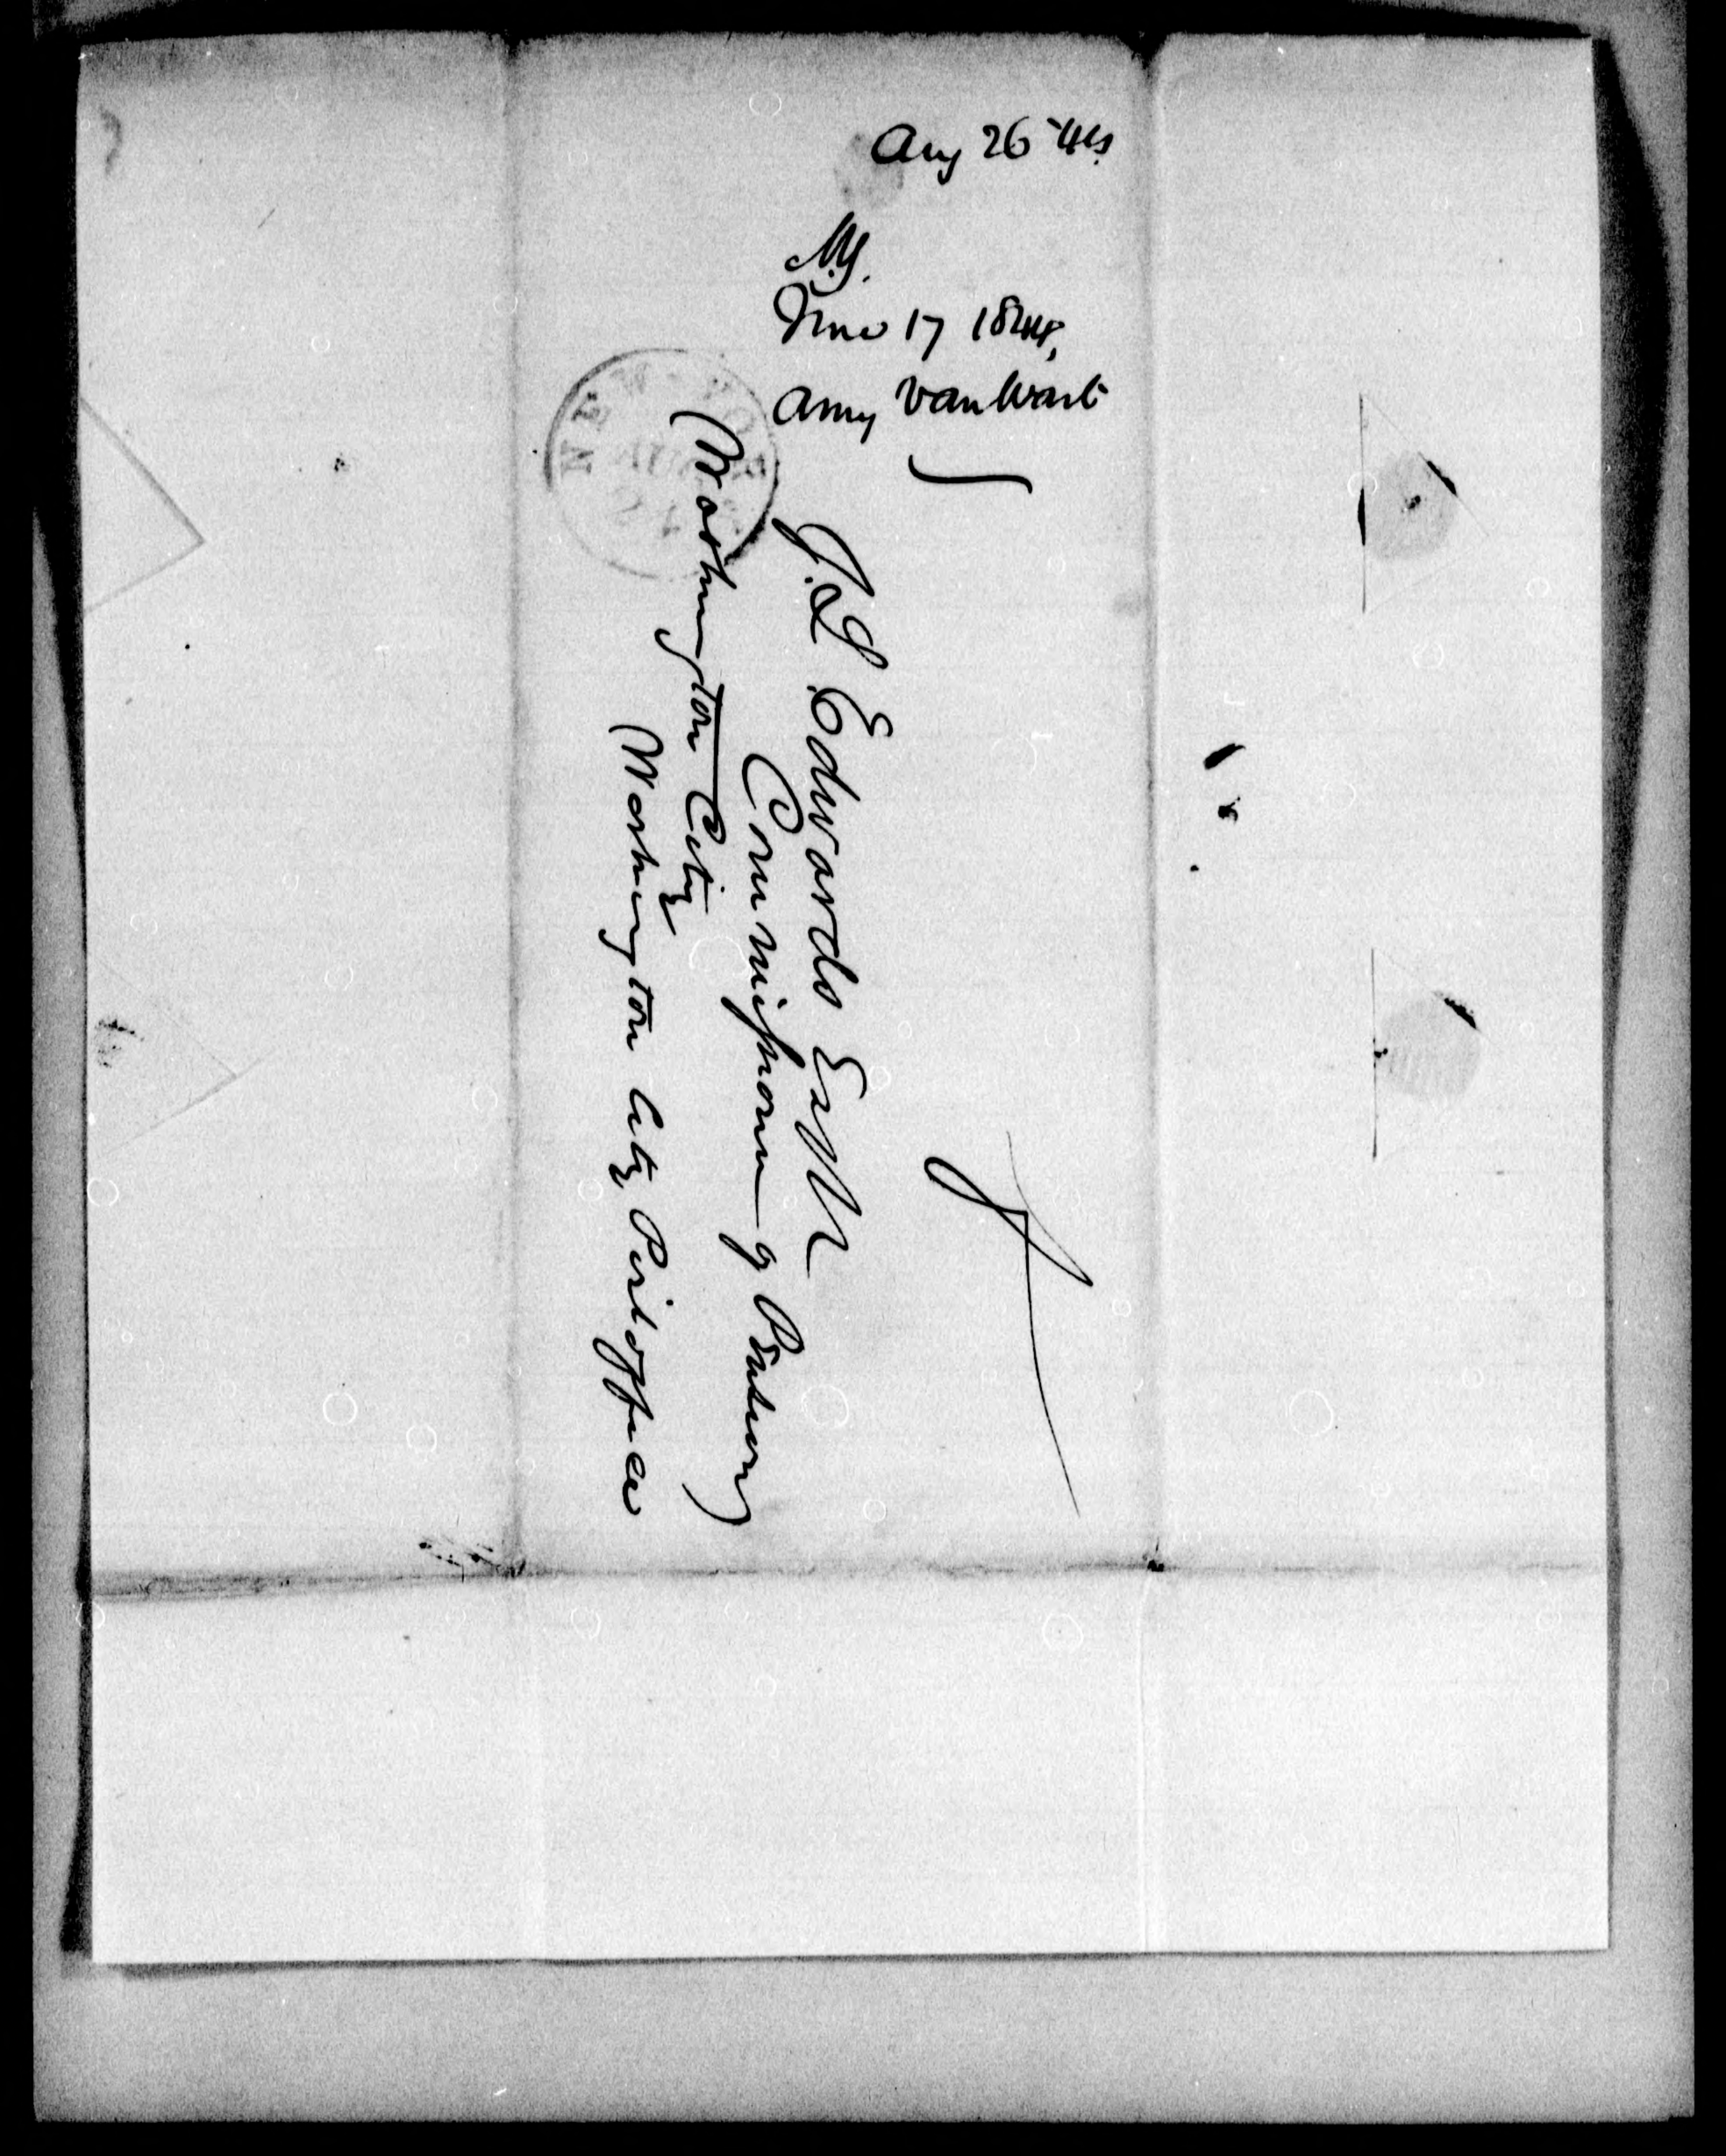Aug 26 ‘44
N.Y.
June 17 1844, 
Amy Van Wart 
J. L. Edwards Esq 
Commissioner of Pension 
Washington City
Washington City Post office

[postmarked New York Aug 24]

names: J L Edwards, Amy Van Wart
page: 82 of 102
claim: widow's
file: W. 18239, Isaac Van Wart, New York